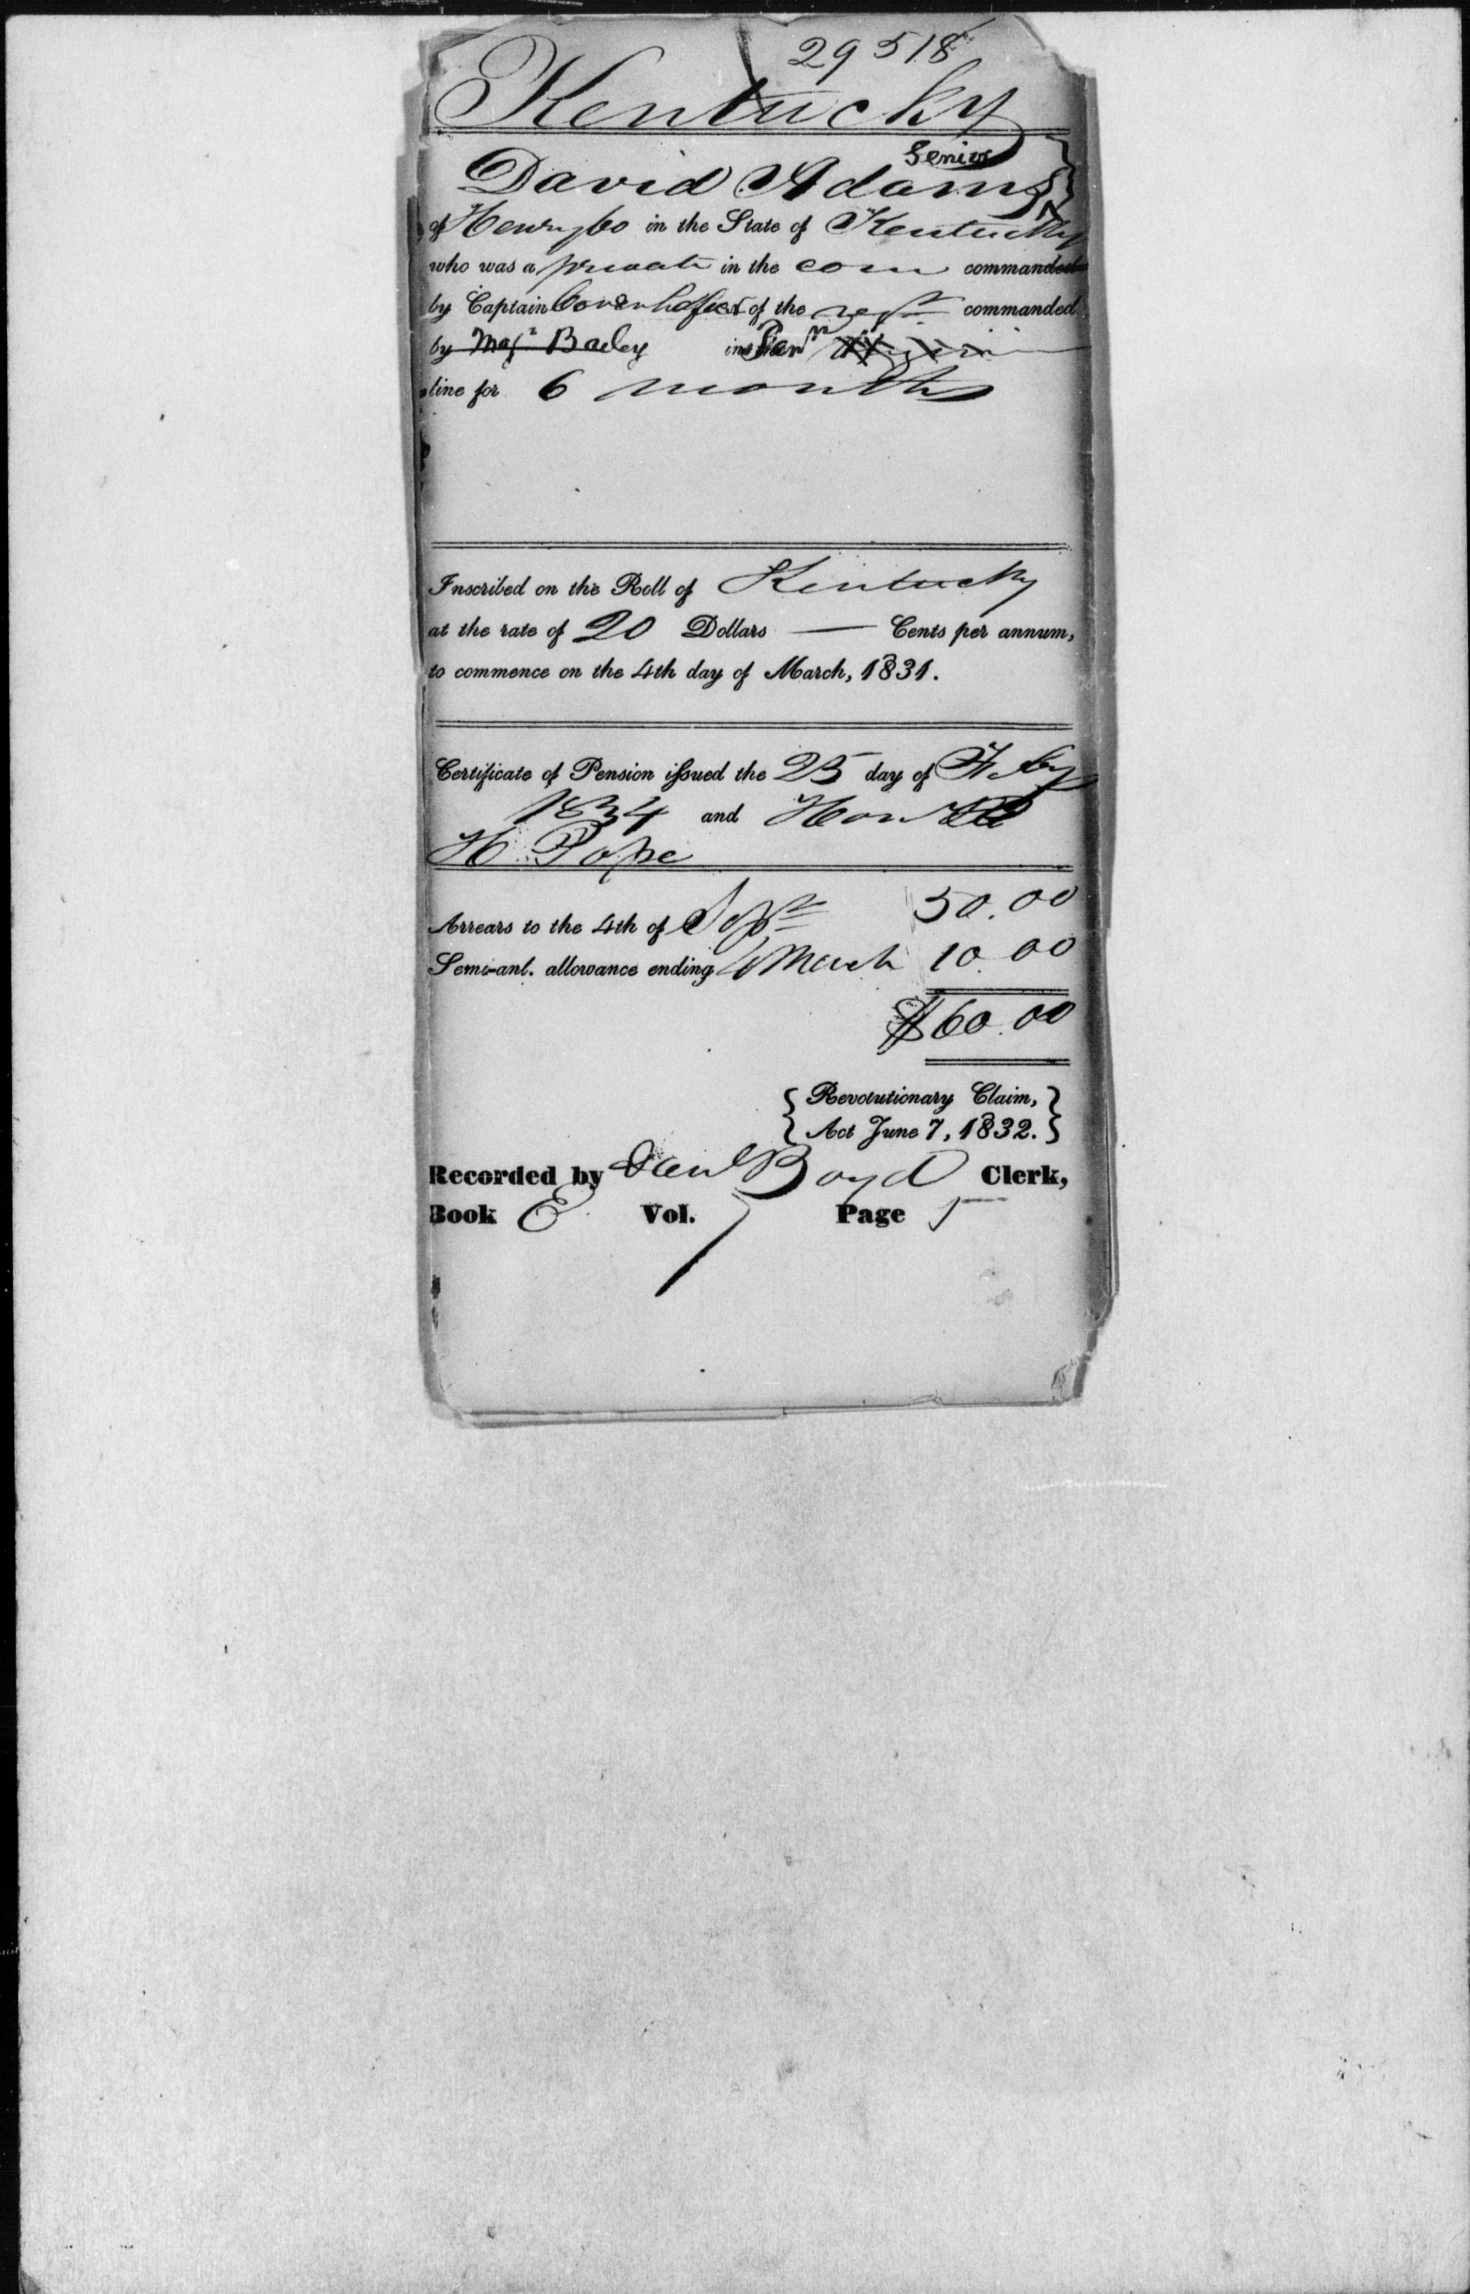29518
Kentucky

David Adams Senior
Henry Co in the State of Kentucky
who was a private in the com command
by Captain Covenhafer of the regt commanded
by Maj Baileyi n Penn Virginia [Virginia crossed out] line for 6 months

Inscribed on the Roll of Kentucky at
the rate of 20 Dollars - Cents per annum, to
commence on the 4th day of March, 1831.

Certificate of Pension issued the 23 day of Feby 1834 and [illegible]
H. Pope

Arrears to the 4th of Sept 50.00
Semi-anl. allowance ending March 10.00
$60.00

{Revolutionary Claim, Act June 7, 1832.}

Recorded by Dan Boyd Clerk,
Book 6
Vol. 1
Page 5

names: Covenhafer, P H Pope, Bailey, David Adams, Danl Boyd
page: 2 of 13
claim: survivor's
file: S 30,815, David Adams, Penn.